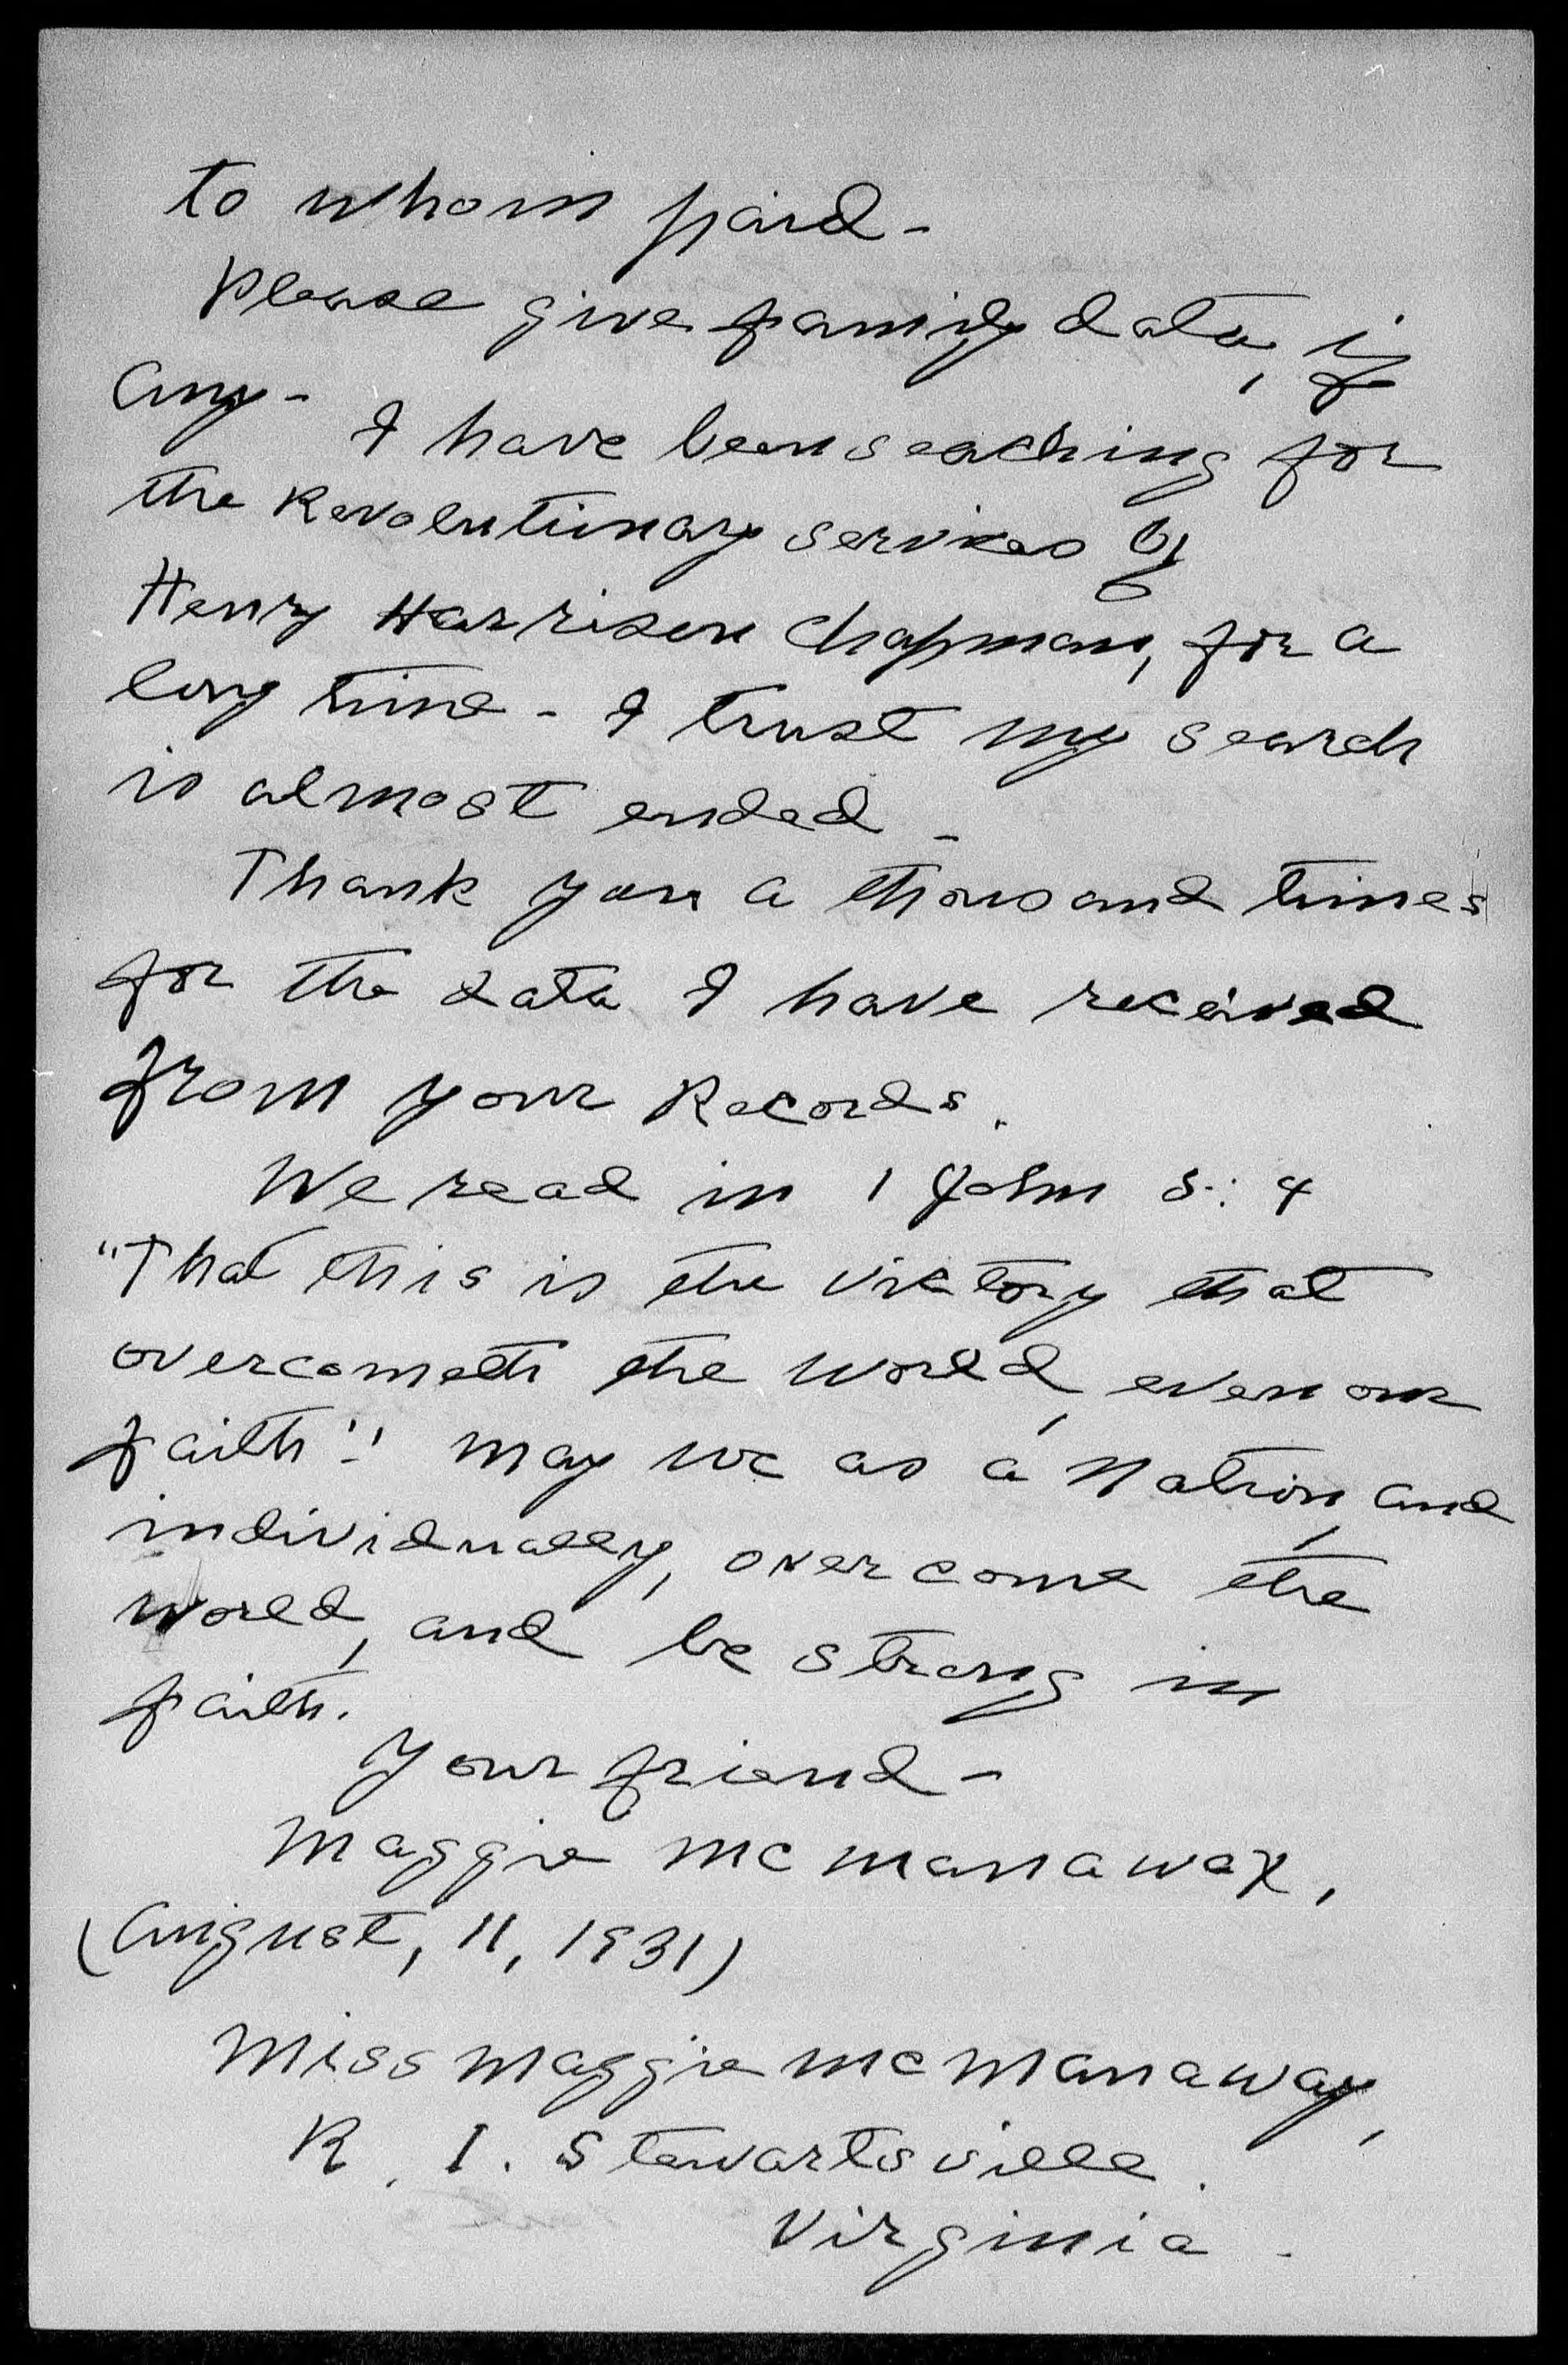To whom paid

Please give family data if any - I have been searching for the revolutionary services of Henry Harrison Chapman for a long time - I trust my search is almost ended.

Thank you, a thousand times, for the data I have received from your records.

We read in 1 John 5:4 "That this is the victory that overcometh the world, even our faith" May we as a nation and individually overcome the world and be strong in faith.

Your friend
Maggie McManaway
(August 11, 1931)

Miss Maggie McManaway
R 1 Stewartsville
Virginia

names: Henry Harrison Chapman, Maggie Mc Manaway, Maggie Mc Manaway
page: 5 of 7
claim: bounty land warrant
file: B.L.Wt. 444-200, Henry H Chapman, Md.